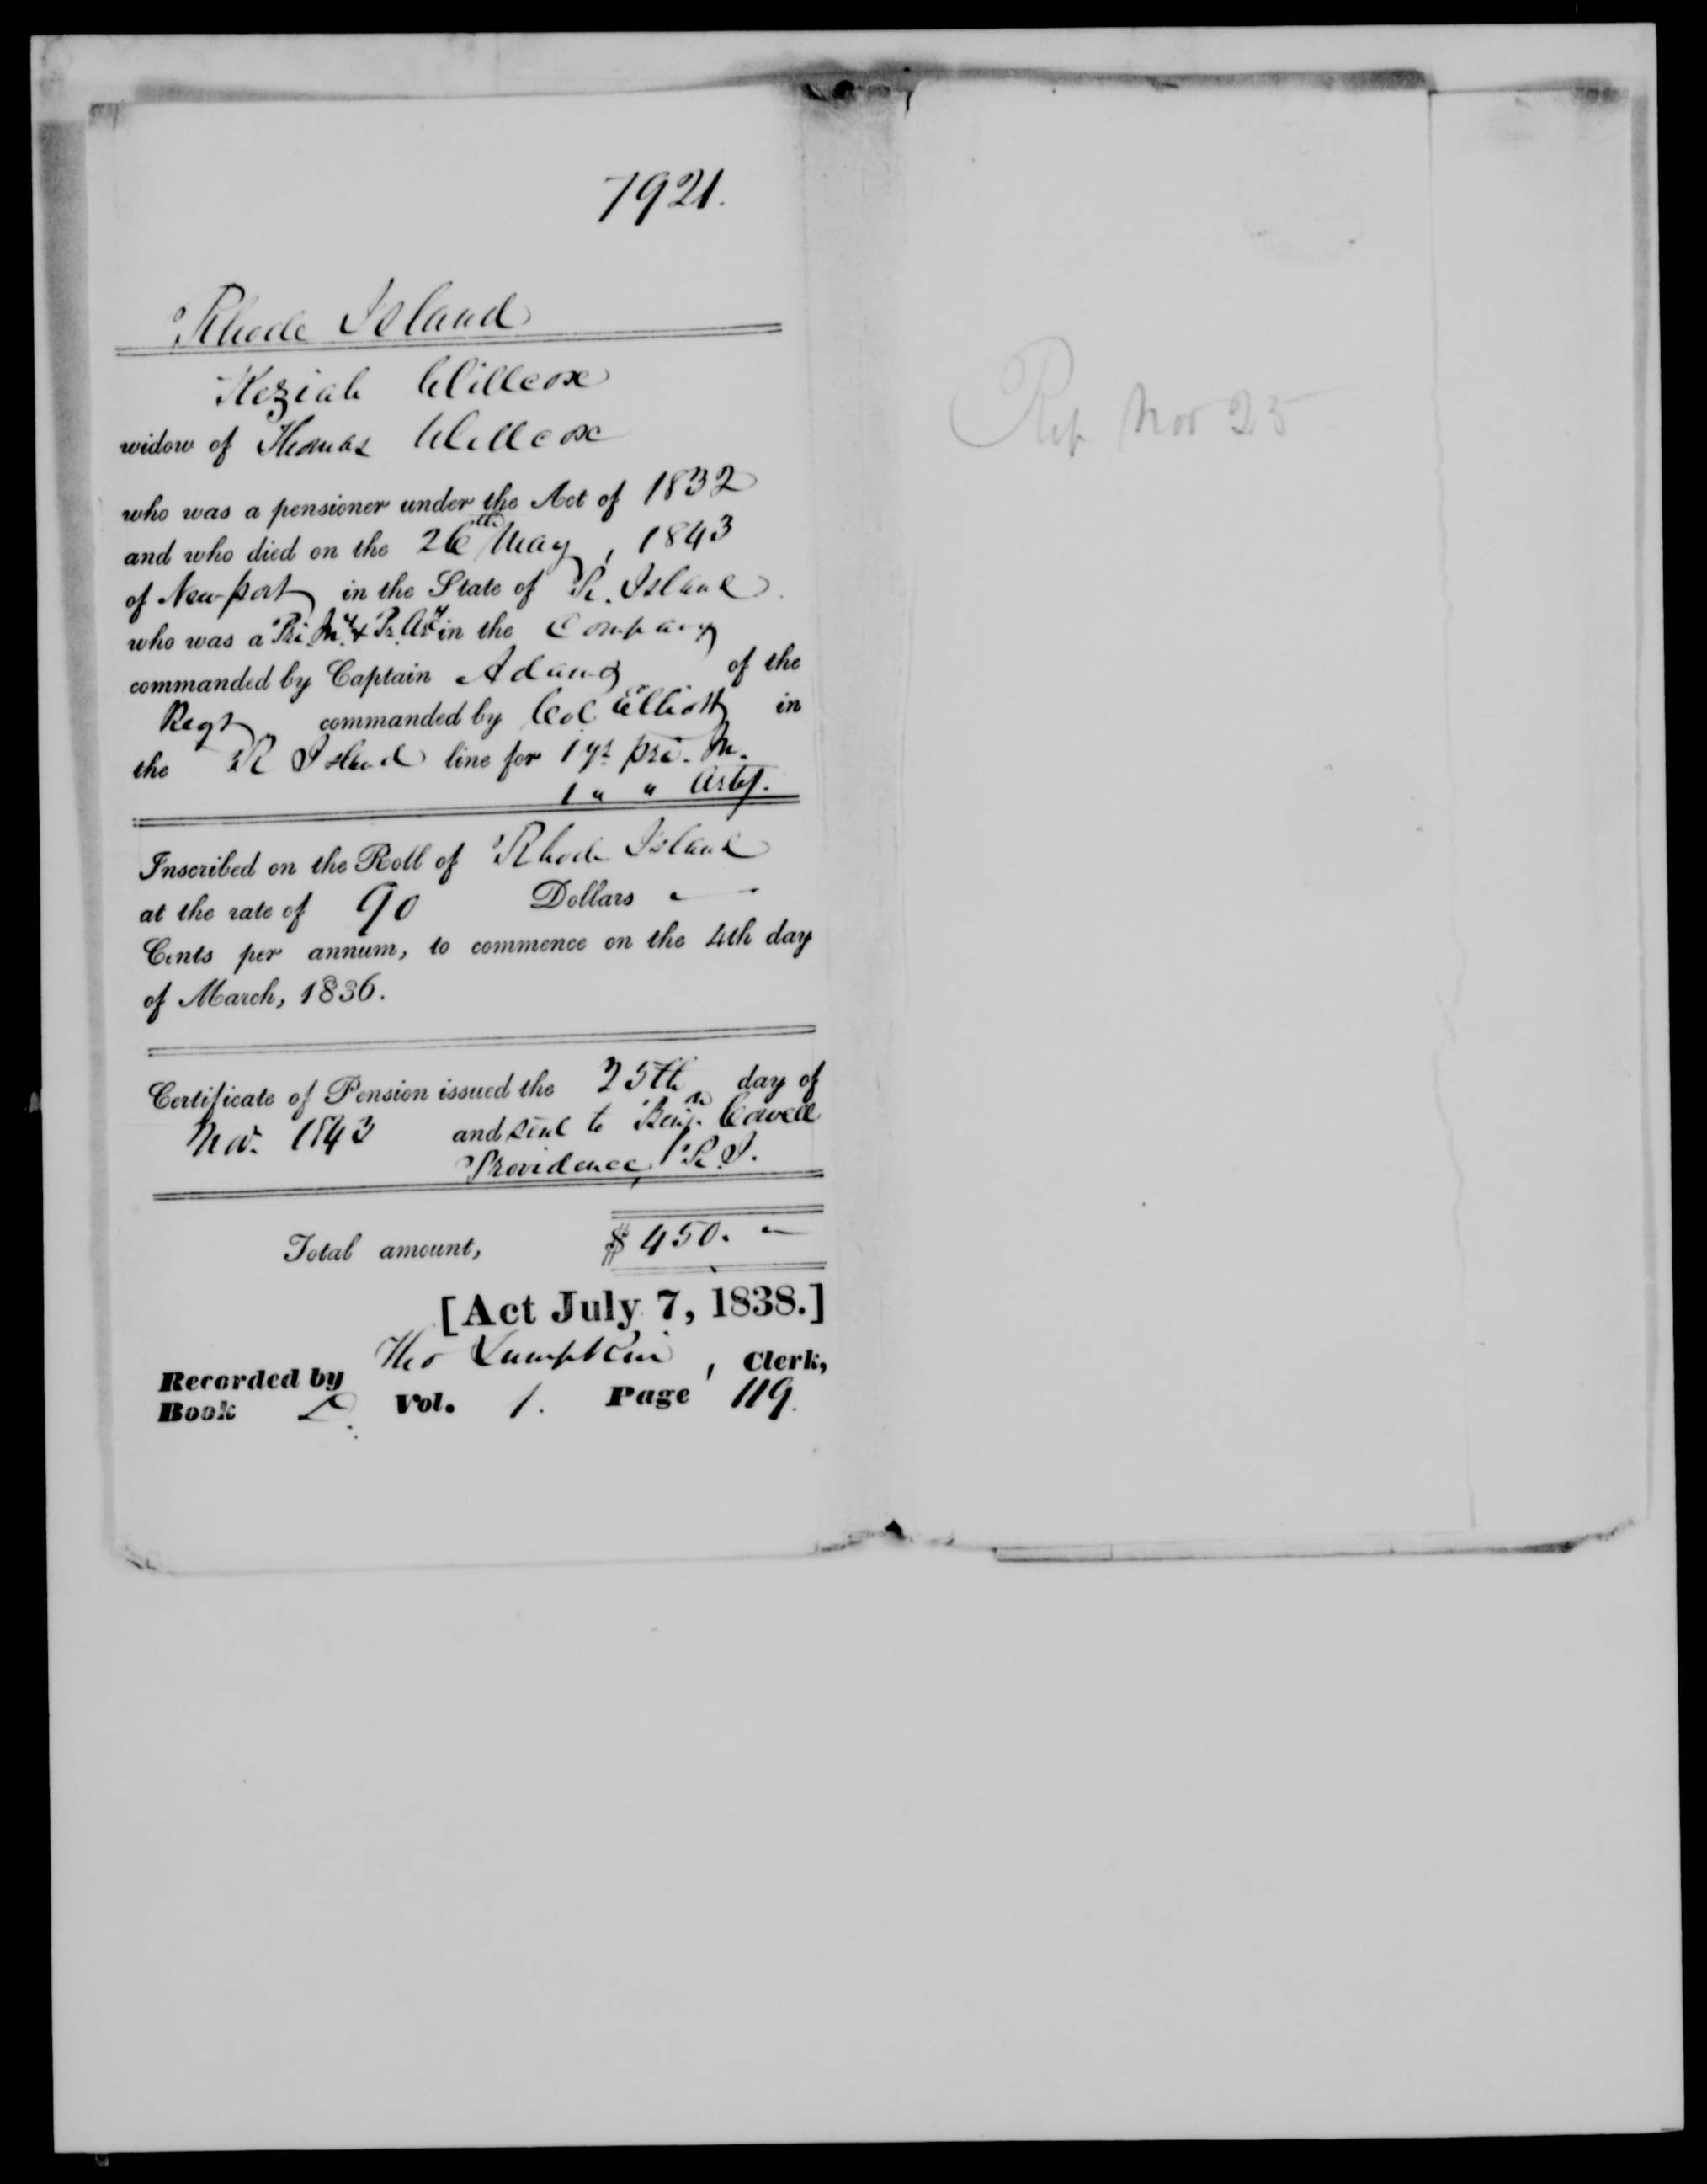1921.
Rhode Island
Keziah Willcox
widow of Thomas Willcox
who was a pensioner under the Act of 1832
and who died on the 26th May, 1843
of Newport in the State of R. Island
who was a Pri In [illegible] & Pr Ascn in the Company
commanded by Captain Adams
of the
Regt
commanded by Col Elliott in
the
R. Island line for 1 yr pri. In.
1 yr. Pri. Arty.

Inscribed on the Roll of Rhode Island
at the rate of 90 Dollars
 --Cents per annum, to commence on the 4th day
of March, 1836.

Certificate of Pension issued the 25th day of
Nov. 1843 and sent to Benj.W. Cawell
Providence R. I.


Total amount,

$450
{Act July 7, 1838.}

Recorded by 
Tho Sumpkin,
Clerk,
 Book D. Vol. Page 119
Ret Nov 25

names: Thomas Willcox, Elliott, Keziah Willcox, Tho Lampkin, Adams, Benjn Cowell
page: 32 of 39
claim: widow's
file: W. 26046, Thomas Willcox, R.I.